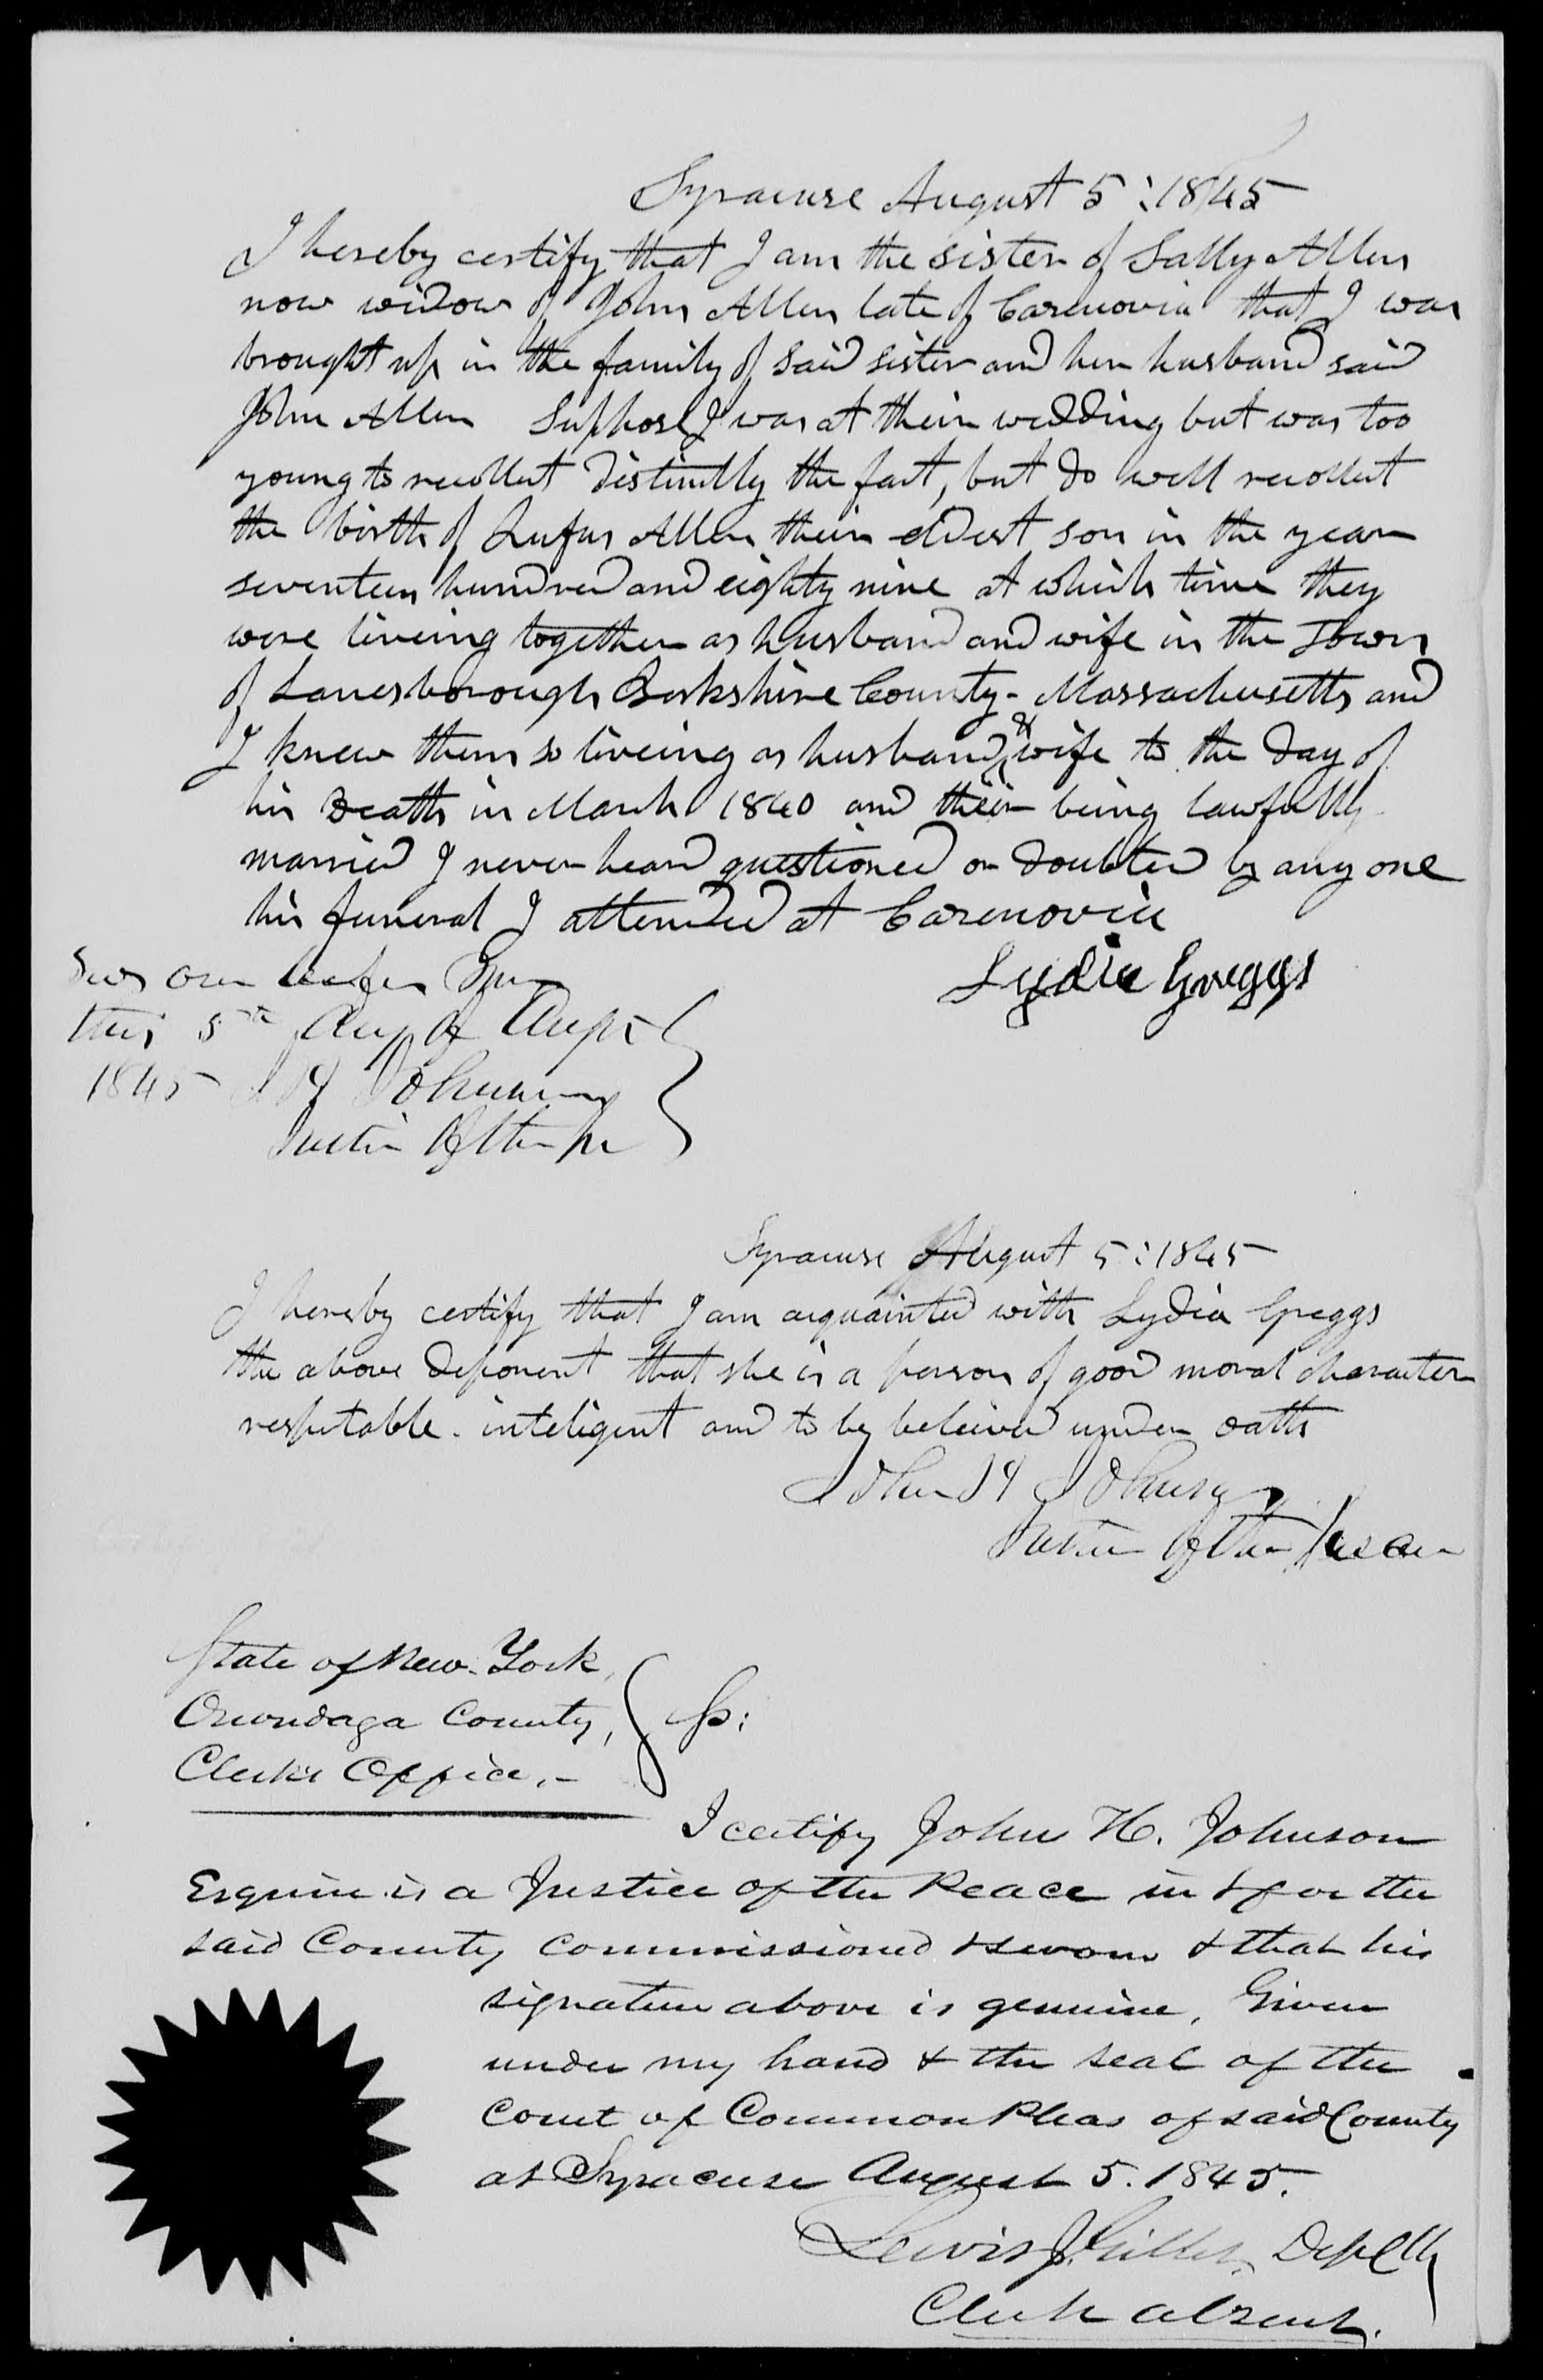Syracuse August 5, 1845 
I hereby certify that I am the sister of Sally Allen now widow of John Allen late of Cazenovia that I was brought up in the family of said sister and her husband said John Allen Suppose I was at their wedding but was too young to recollect distinctly the fact, but do well recollect the birth of Rufus Allen their eldest son in the year seventeen hundred and eighty nine at which time they were living together as husband and wife in the Town of Lanesborough Berkshire County, Massachusetts and I knew them so living as husband ^& [above line] wife to the day of his death in March 1840 and their being lawfully married I never heard questions or doubts by any one His funeral I attended at Cazenovia 
[signed] Lydia Greggs
Sworn before me this 5th day of Aug 1845 J.H. Johnson Justice of the Pc |
Syracuse August 5. 1845 
I hereby certify that I am acquainted with Lydia Greggs the above deponent That she is a person of good moral character reputable inteligent [sic] and to be believed under oath 
John H Johnson 
Justice of the Peace 
State of New York Onondaga County Clerk’s Office, ss: I certify John H. Johnson Esquire is a Justice of the Peace in & for the said County Commissioned & sworn & that his signature above is genuine. Given under my hand & the seal of the Court of Common Pleas of said County at Syracuse August 5. 1845. Lewis J. Gilles DepClk
Clerk absent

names: John Allen, John H Johnson, Lydia Greggs, J H Johnson, Rufus Allen, Lewis J Gillet, Lydia Greggs, John Allen, John H Johnson, Sally Allen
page: 18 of 74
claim: widow's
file: W. 23424, John Allen, Mass. R. I.